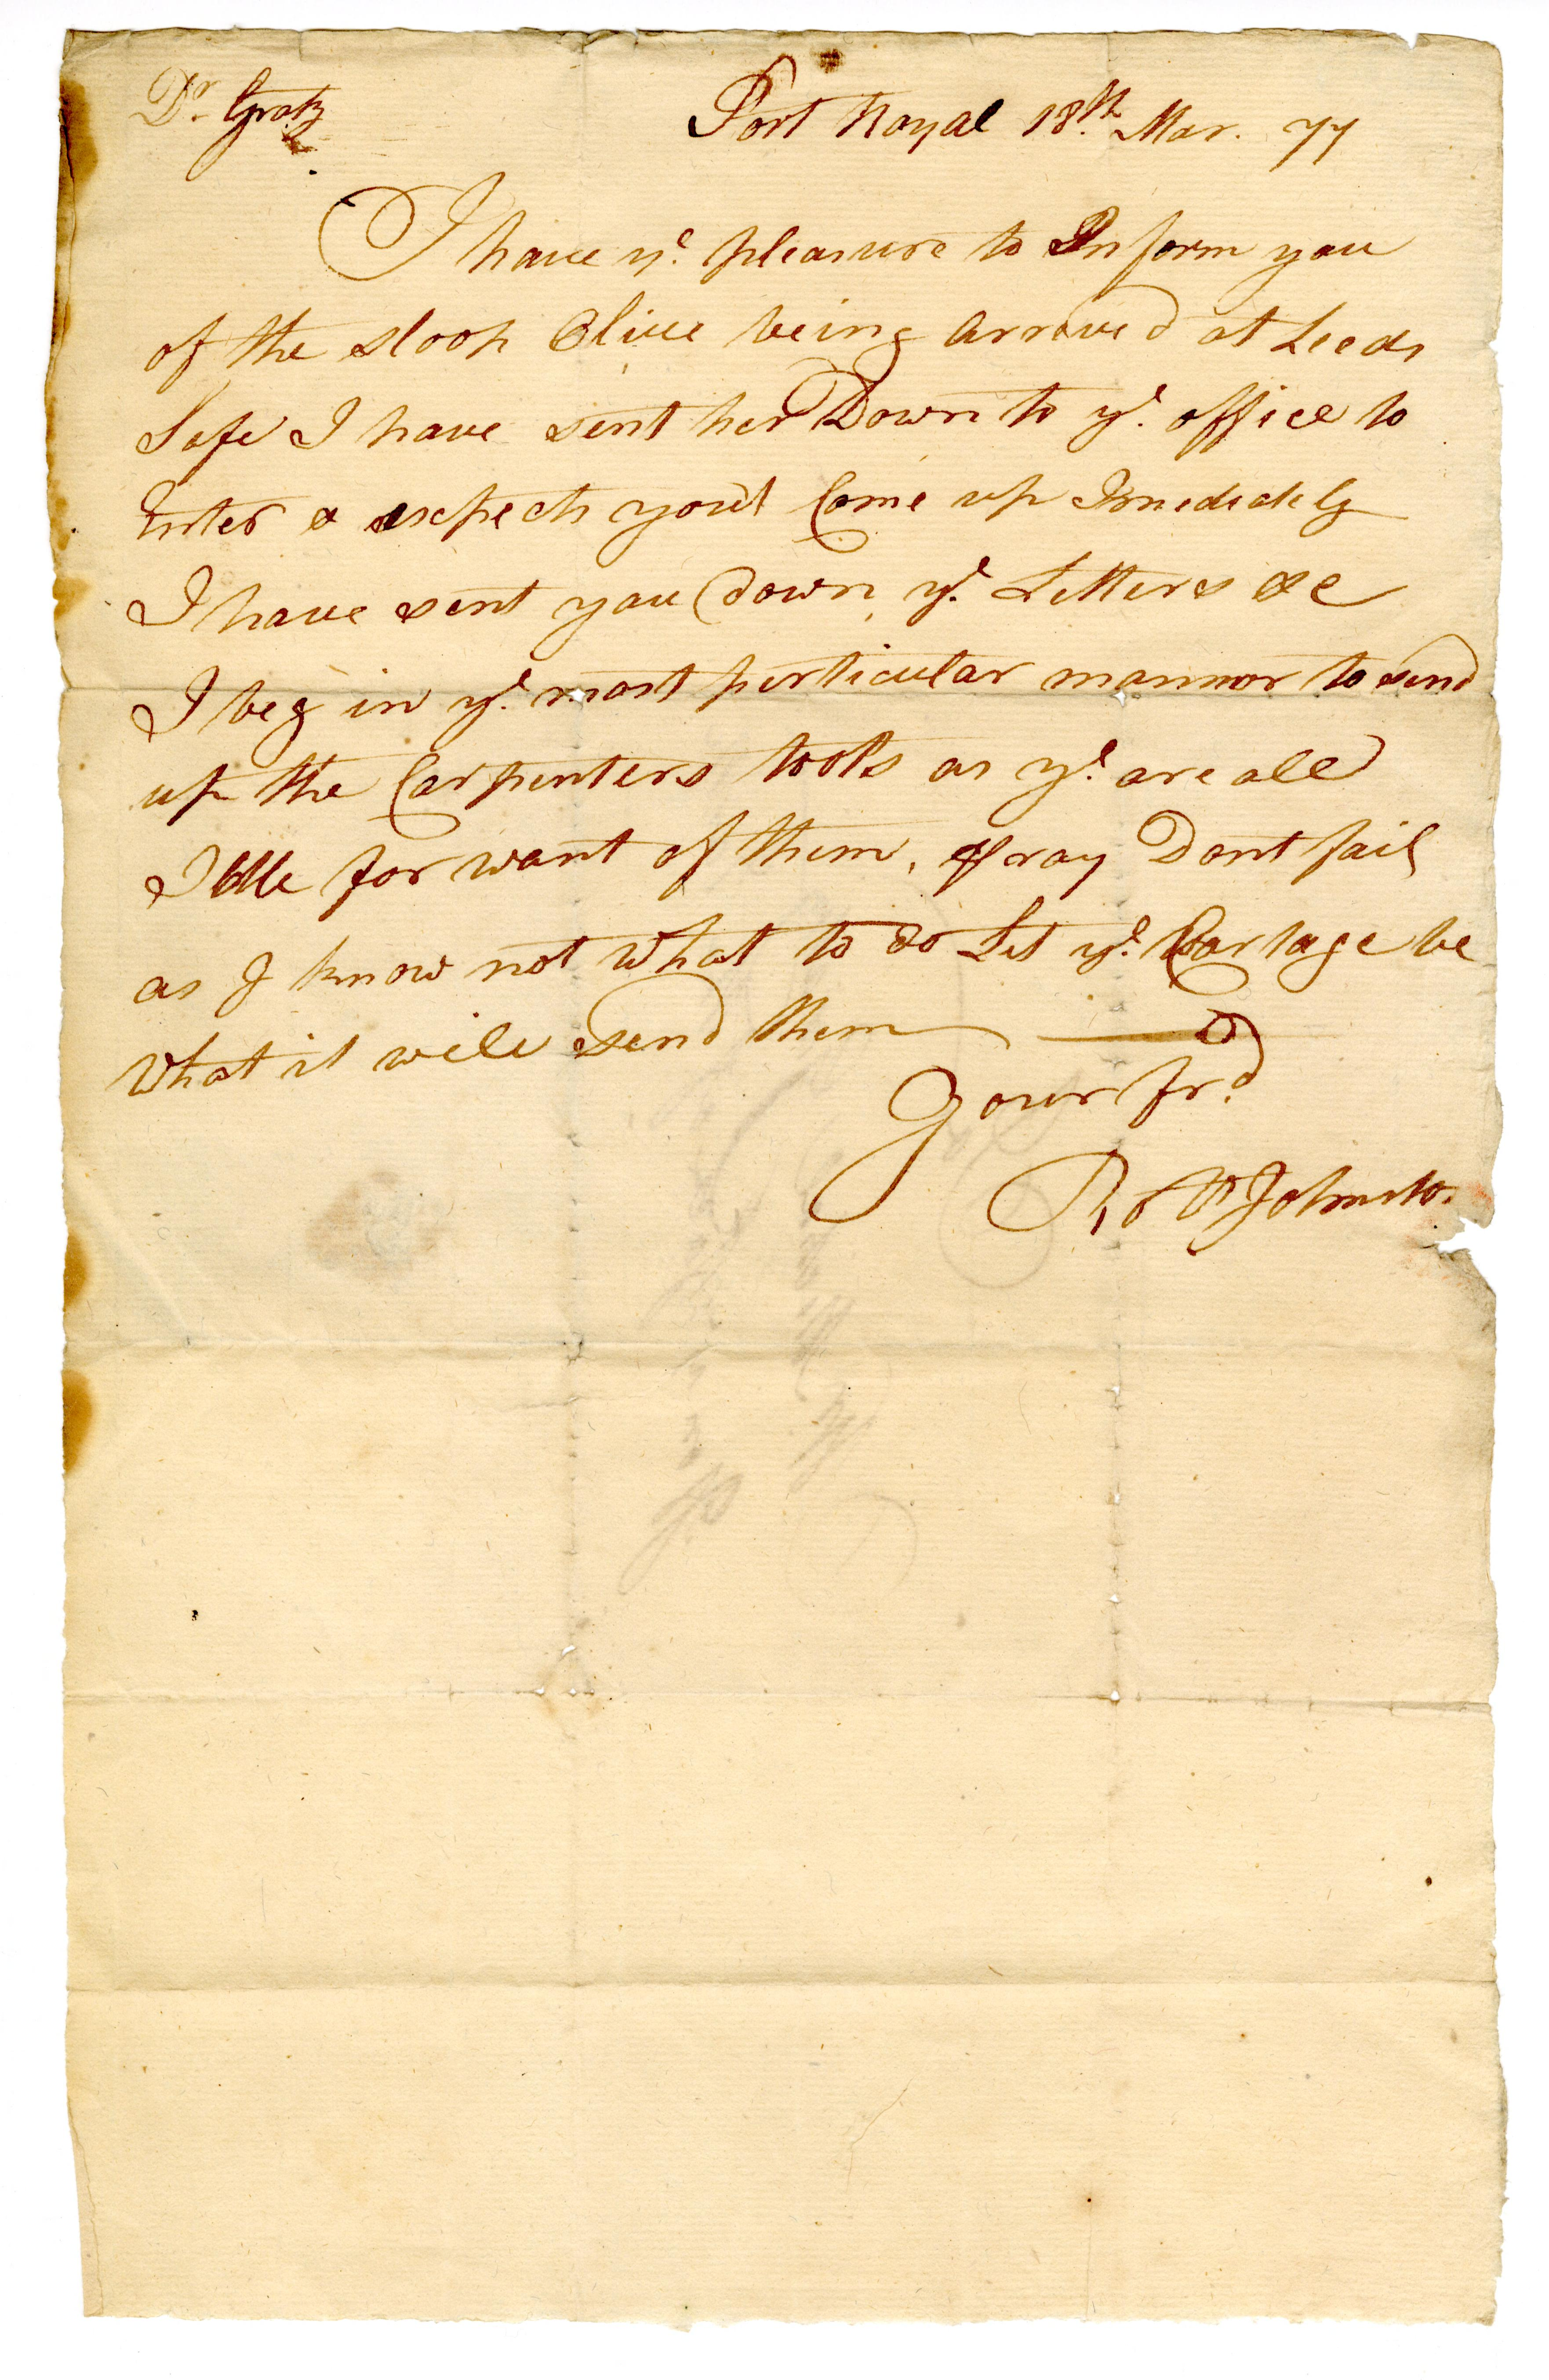Port Royal 18^th Mar 77
D^r. Gratz
I have y^e pleasure to Inform you
of the sloop Olive being arrived at Leeds
Safe I have sent her Down to y^r. office to
Enter & expects you'l Come up Imediately
I have sent you down y^e. Letters &c
I beg in y^e. most particular mannor to send
up the Carpenters tools as y^e. are all
Idle for want of them, pray Dont fail
as I know not what to do Let y^e. Cartage be
what it will send them-
Your fr^d
Rob^t Johnsto.